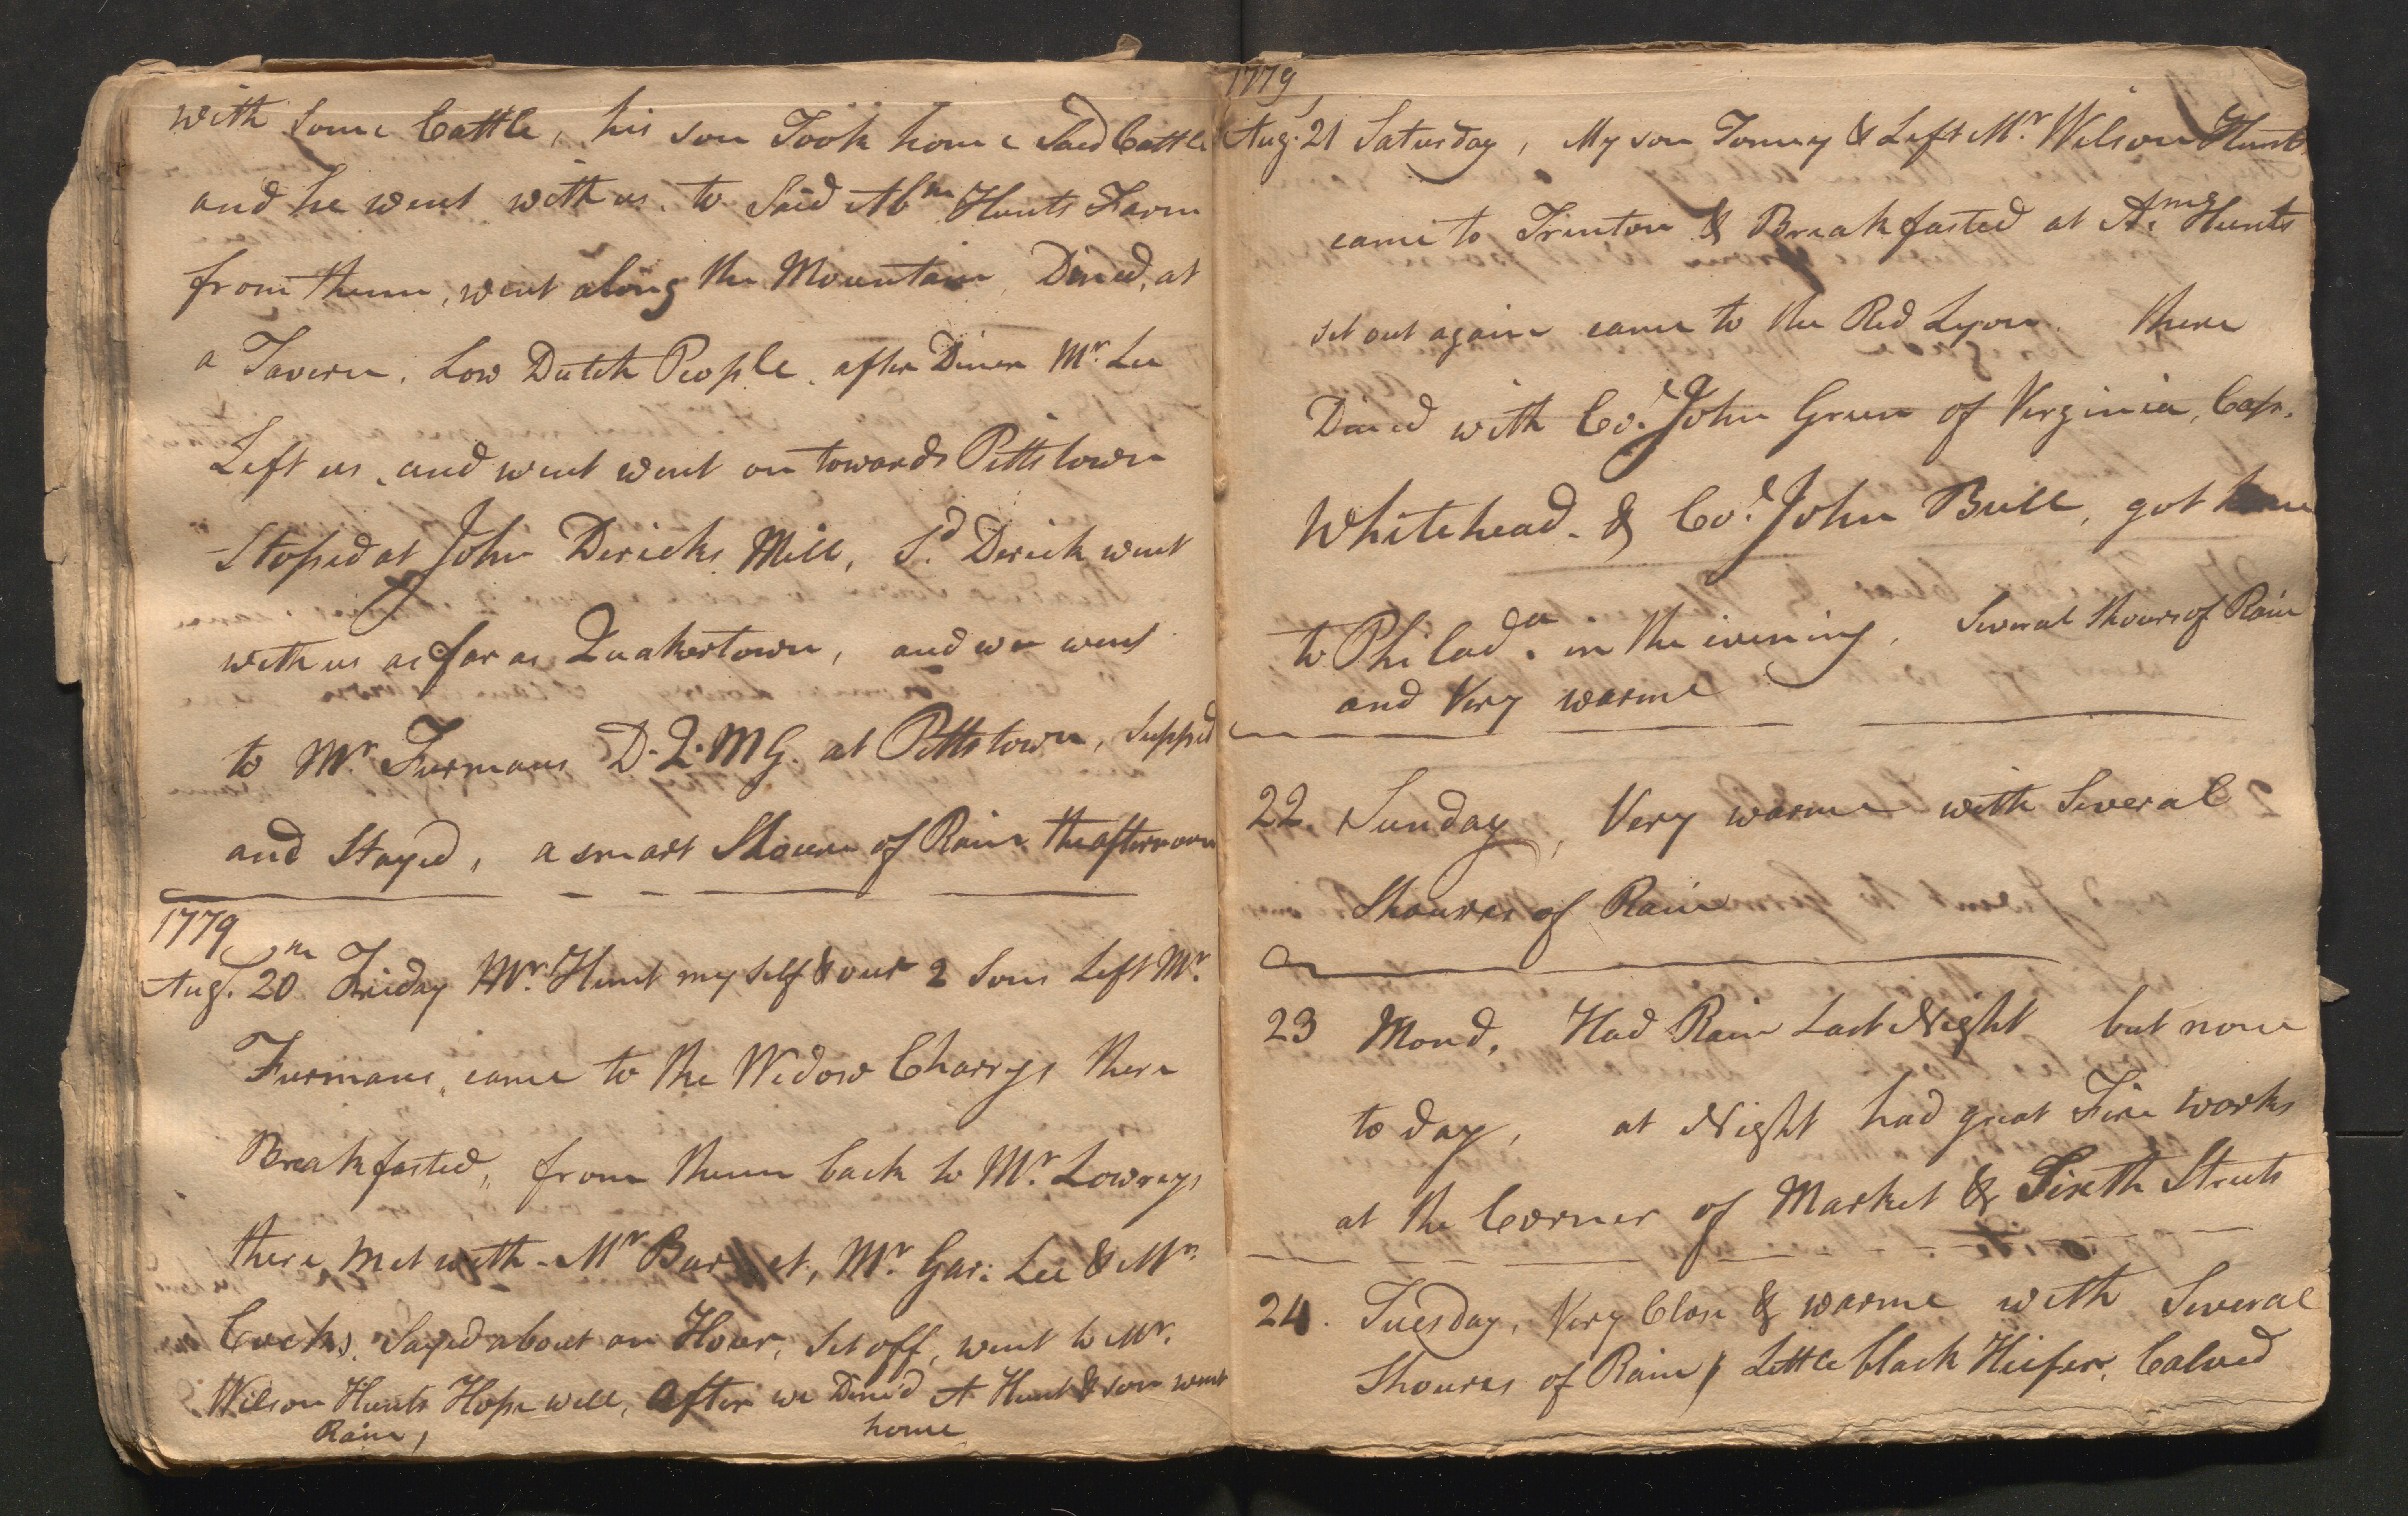with some Cattle, his son Took home said Cattle
and he went with us to said Ab^m Hunts Farm
from thence, went along the Mountain, Dined at
a Tavern, Low Dutch People after Diner M^r. Lee
Left us, and went went on towards Pittstown
Stoped at John Dericks Mill, S^d. Derick went
with us as far as Quakertown, and we went
to M^r. Furmans D.Q.MG. at Pittstowrn, supped
and Stayed, a smart Shoure of Rain the afternoon
1779
Aug^. 20 Fieday M^r. Hunt my self & our 2 Sons left M^r.
Furmans, came to the Widow Charrys there
Breakfasted, from thence back to M^r. Lowreys
there met with M^r Burnet, M^r. Gar: Lee & M^r.
Cocks, sayed about an Hour; set off went to M^r.
Wilson Hunts Hopewell, After we Dine'd A Hunt & son went
Rain,
home
1779
Aug. 21 Saturday, My son Tomey & Left M^r. Wilson Hunt
came to Trenton & Breakfasted at A^m. Hunts
set out again- came to the Red Lyon. there
Dined with Co^l. John Green of Virginia, Cap.
Whitehead. & Co^l. John Bull, got here
to Philad^a. in the evening, Several shours of Rain
and Very warme
22 Sunday, Very warme with several
Shoures of Rain
23 Mond. Had Rain Last Night, but now
to day, at Night had great Fire works
at the Corner of Market & Sixth Streets
24. Tuesday. Very Close & warme with several
Shoures of Rain) Little black Heifer Calved